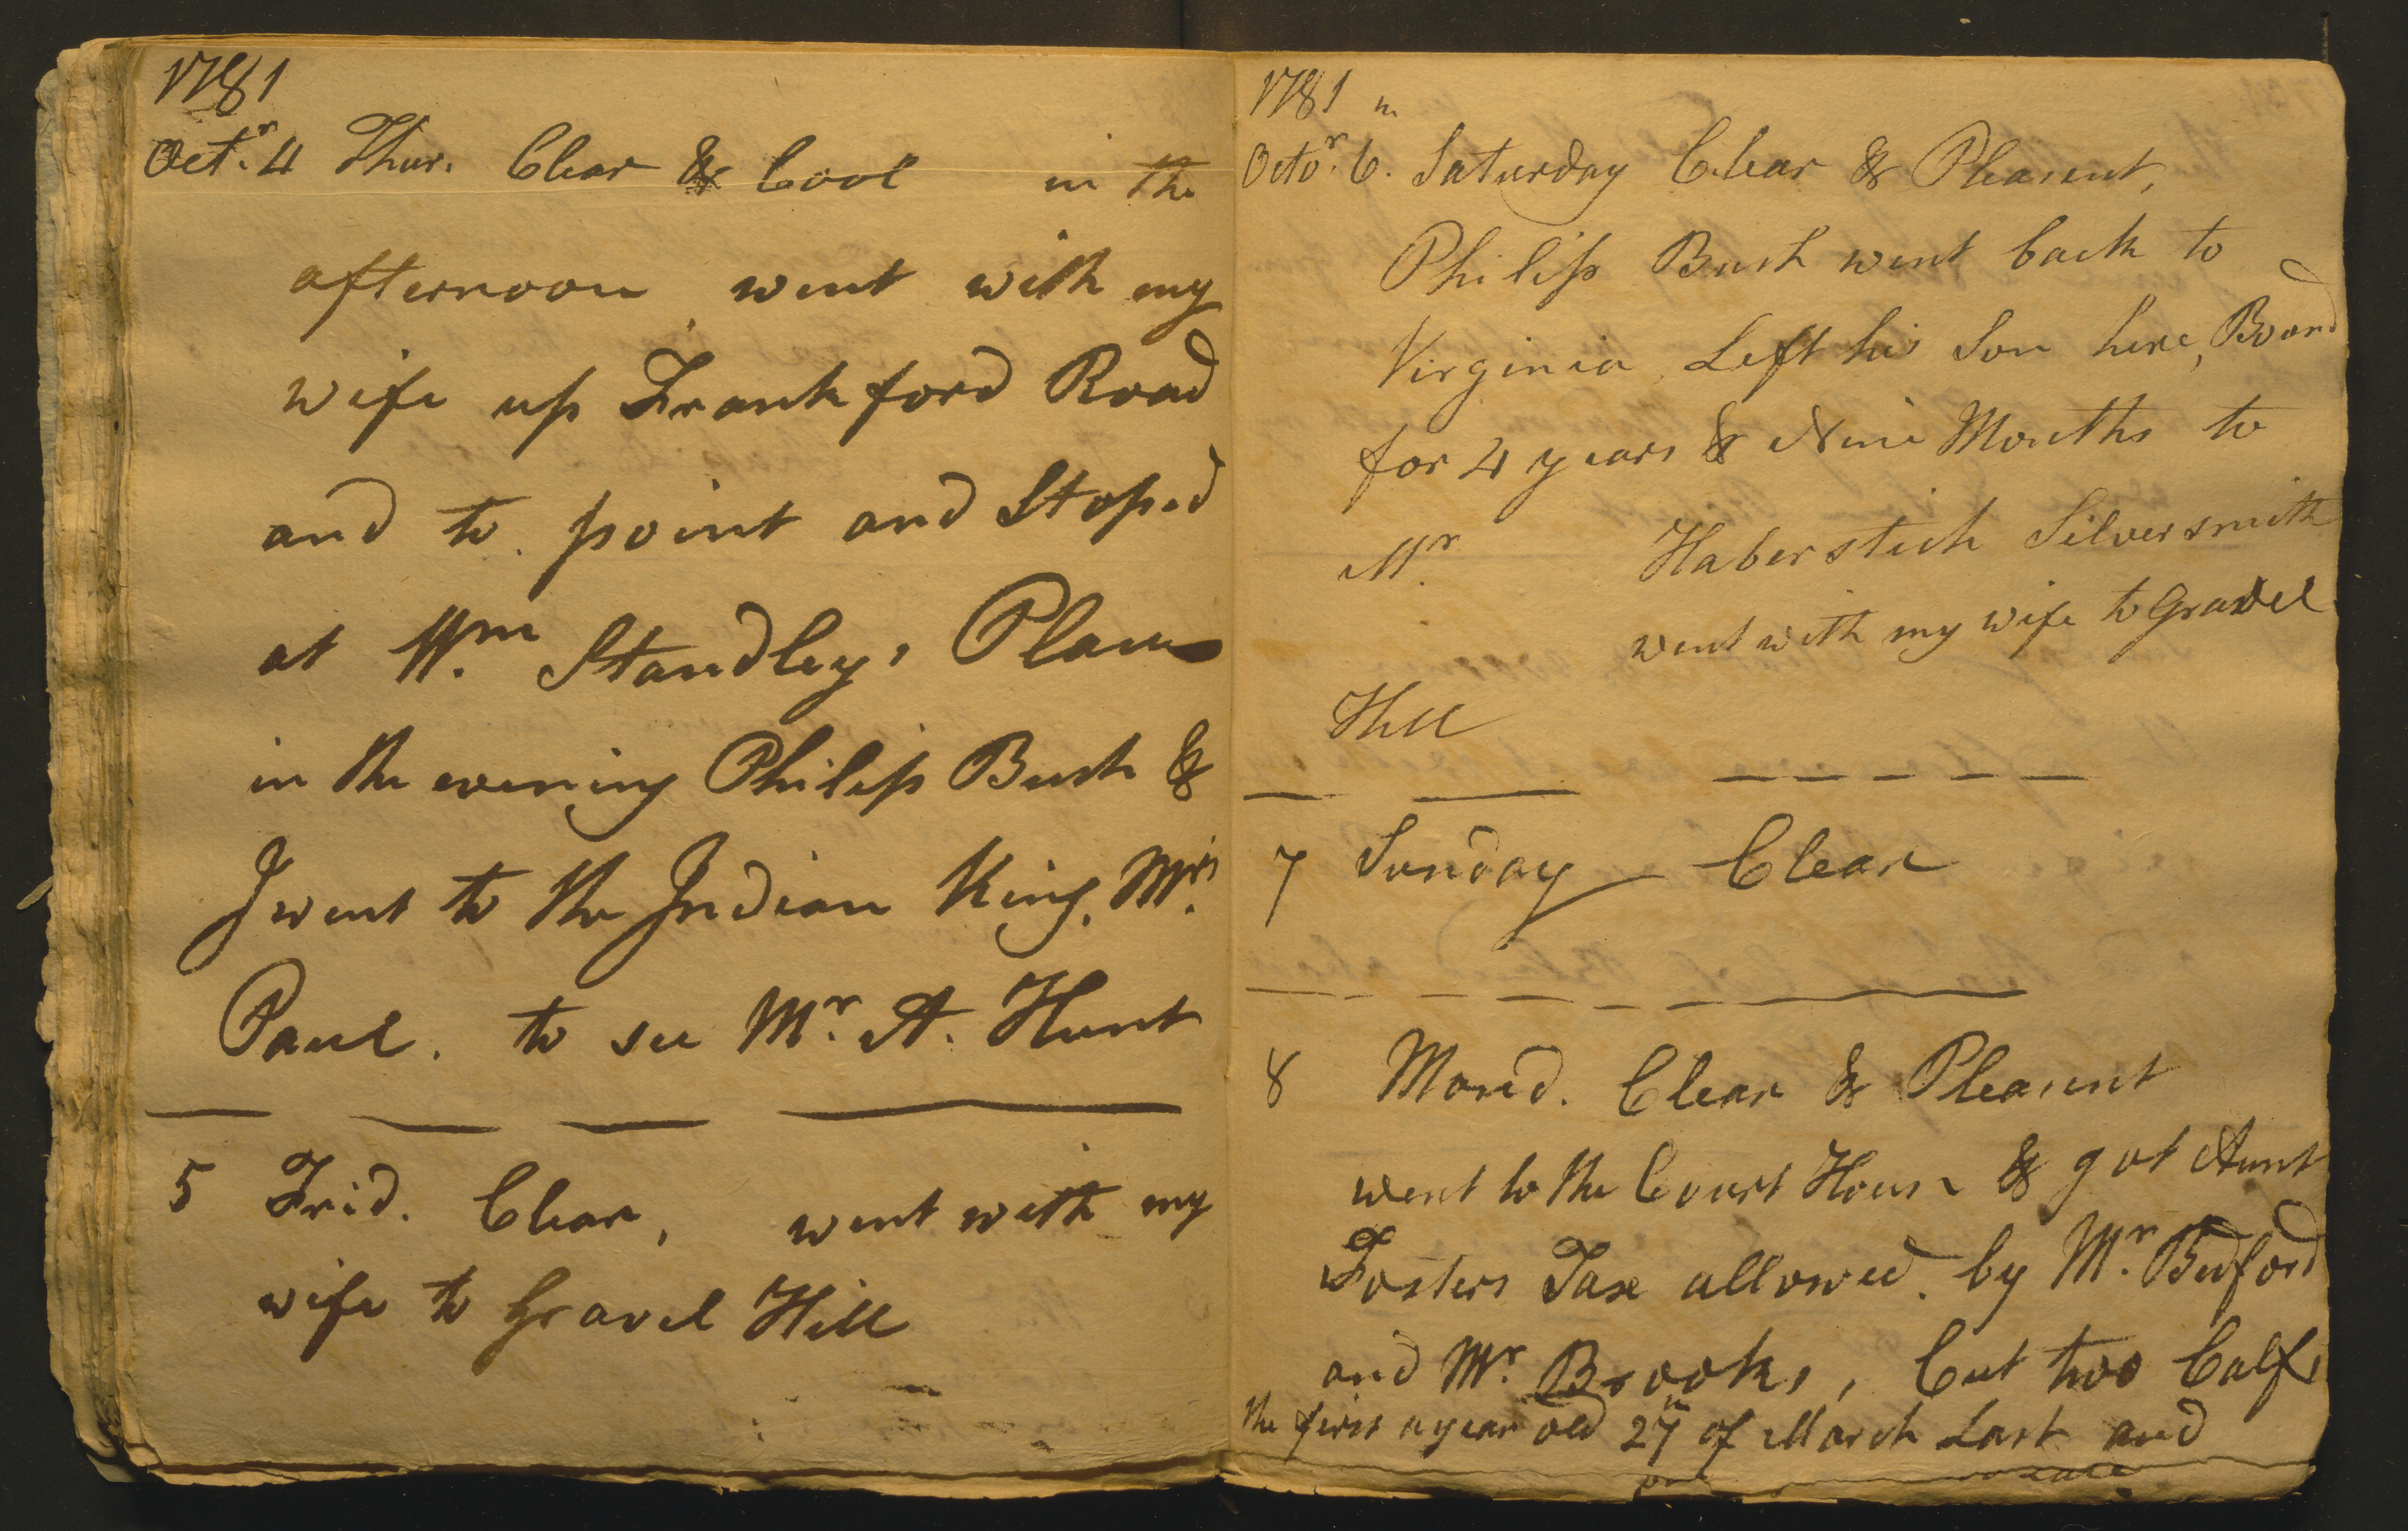1781
Oct^r. 4 Thur. Clear & Cool in the
afternoon went with my
wife up Frankford Road
and to point and Stoped
at W^m. Standleys Plan
in the evening Philips Bush &
I went to the Indian King M^r.
Paul, to see M^r. A. Hunt
5 Frid. Clear went with my
wife to Gravel Hill
1781
Octo^r. 6th. Saturday Clear & Pleasent
Philip Bush went back to
Virginia Left his Son here, Board
for 4 years & Nine Months to
M^r. Haberstich Silversmiith
went with my wife to Gravel
Hill
7 Sunday Clear
Mond. Clear & Pleasent
went to the Court House & got Aunt
Fosters Tax allowed by M^r. Bedford
and M^r. Brooks, Cut two Calf
the first a year old 27^th of March Last and